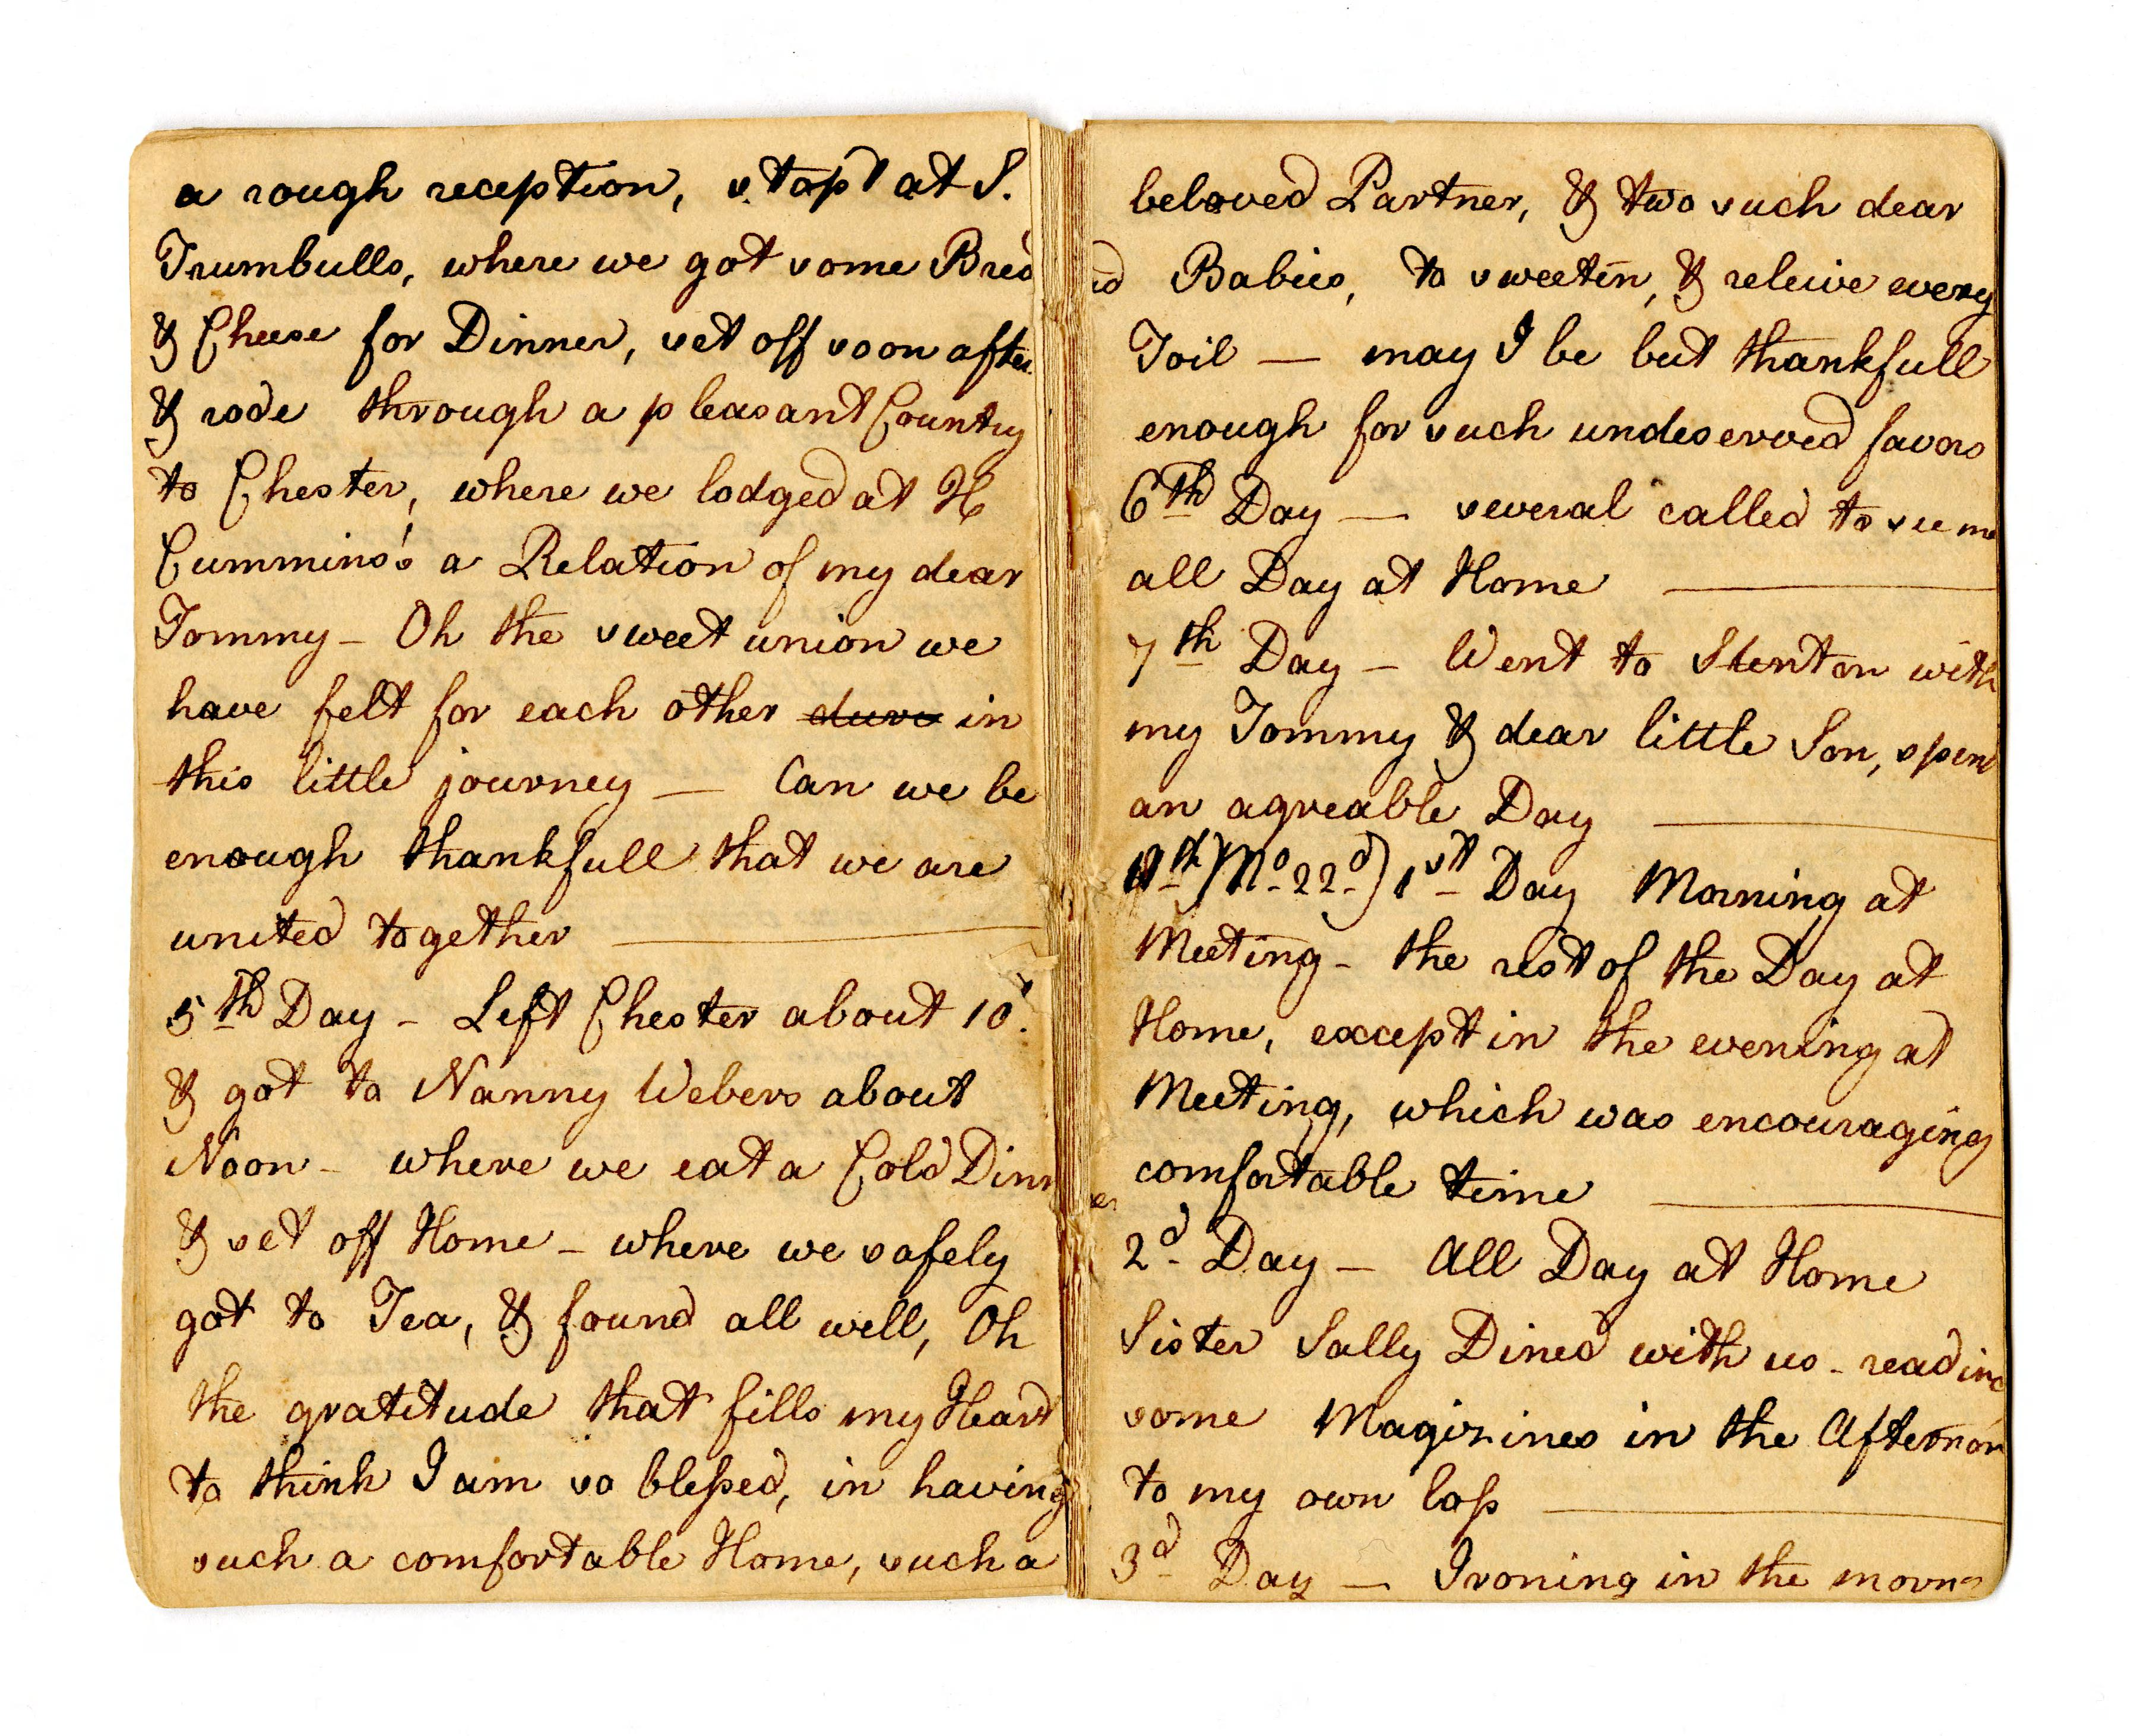a rough reception, stopt at S.
Trumbulls, where we got some Bred
& Cheese for Dinner, set off soon after
& rode, through a pleasant Country
to Chester, where we lodged at H
Cummins's a Relation of my dear
Tommy- Oh the sweet union we
have felt for each other [duri] in
this little journey- Can we be
enough thankfull that we are
united together-
5^th Day- Left Chester about 10
& got to Nanny Webers about
Noon- where we eat a Cold Dinn
& set off Home- where we safely
got to Tea, & found all well, Oh
the gratitude that fills my Heart
to think I am so blessed, in having
such a comfortable Home, such a
beloved Partner, & two such dear
d Babies, to sweeten, & releive every
Toil- may I be but thankfull
enough for such undeserved favors
6^th Day- several called to seem
all Day at Home
7^th Day- Went to Stenton with
my Tommy & dear little Son, spent
an agreable Day-
11^th M^o 22^d) 1^st Day Morning at
Meeting- the rest of the Day at
Home, except in the evening at
Meeting, which was encouraging
comfortable time-
2^d. Day- All Day at Home
Sister Sally Dined with us- readin[g]
some Magizines in the Afternon
to my own loss-
3^d Day- Ironing in the morng